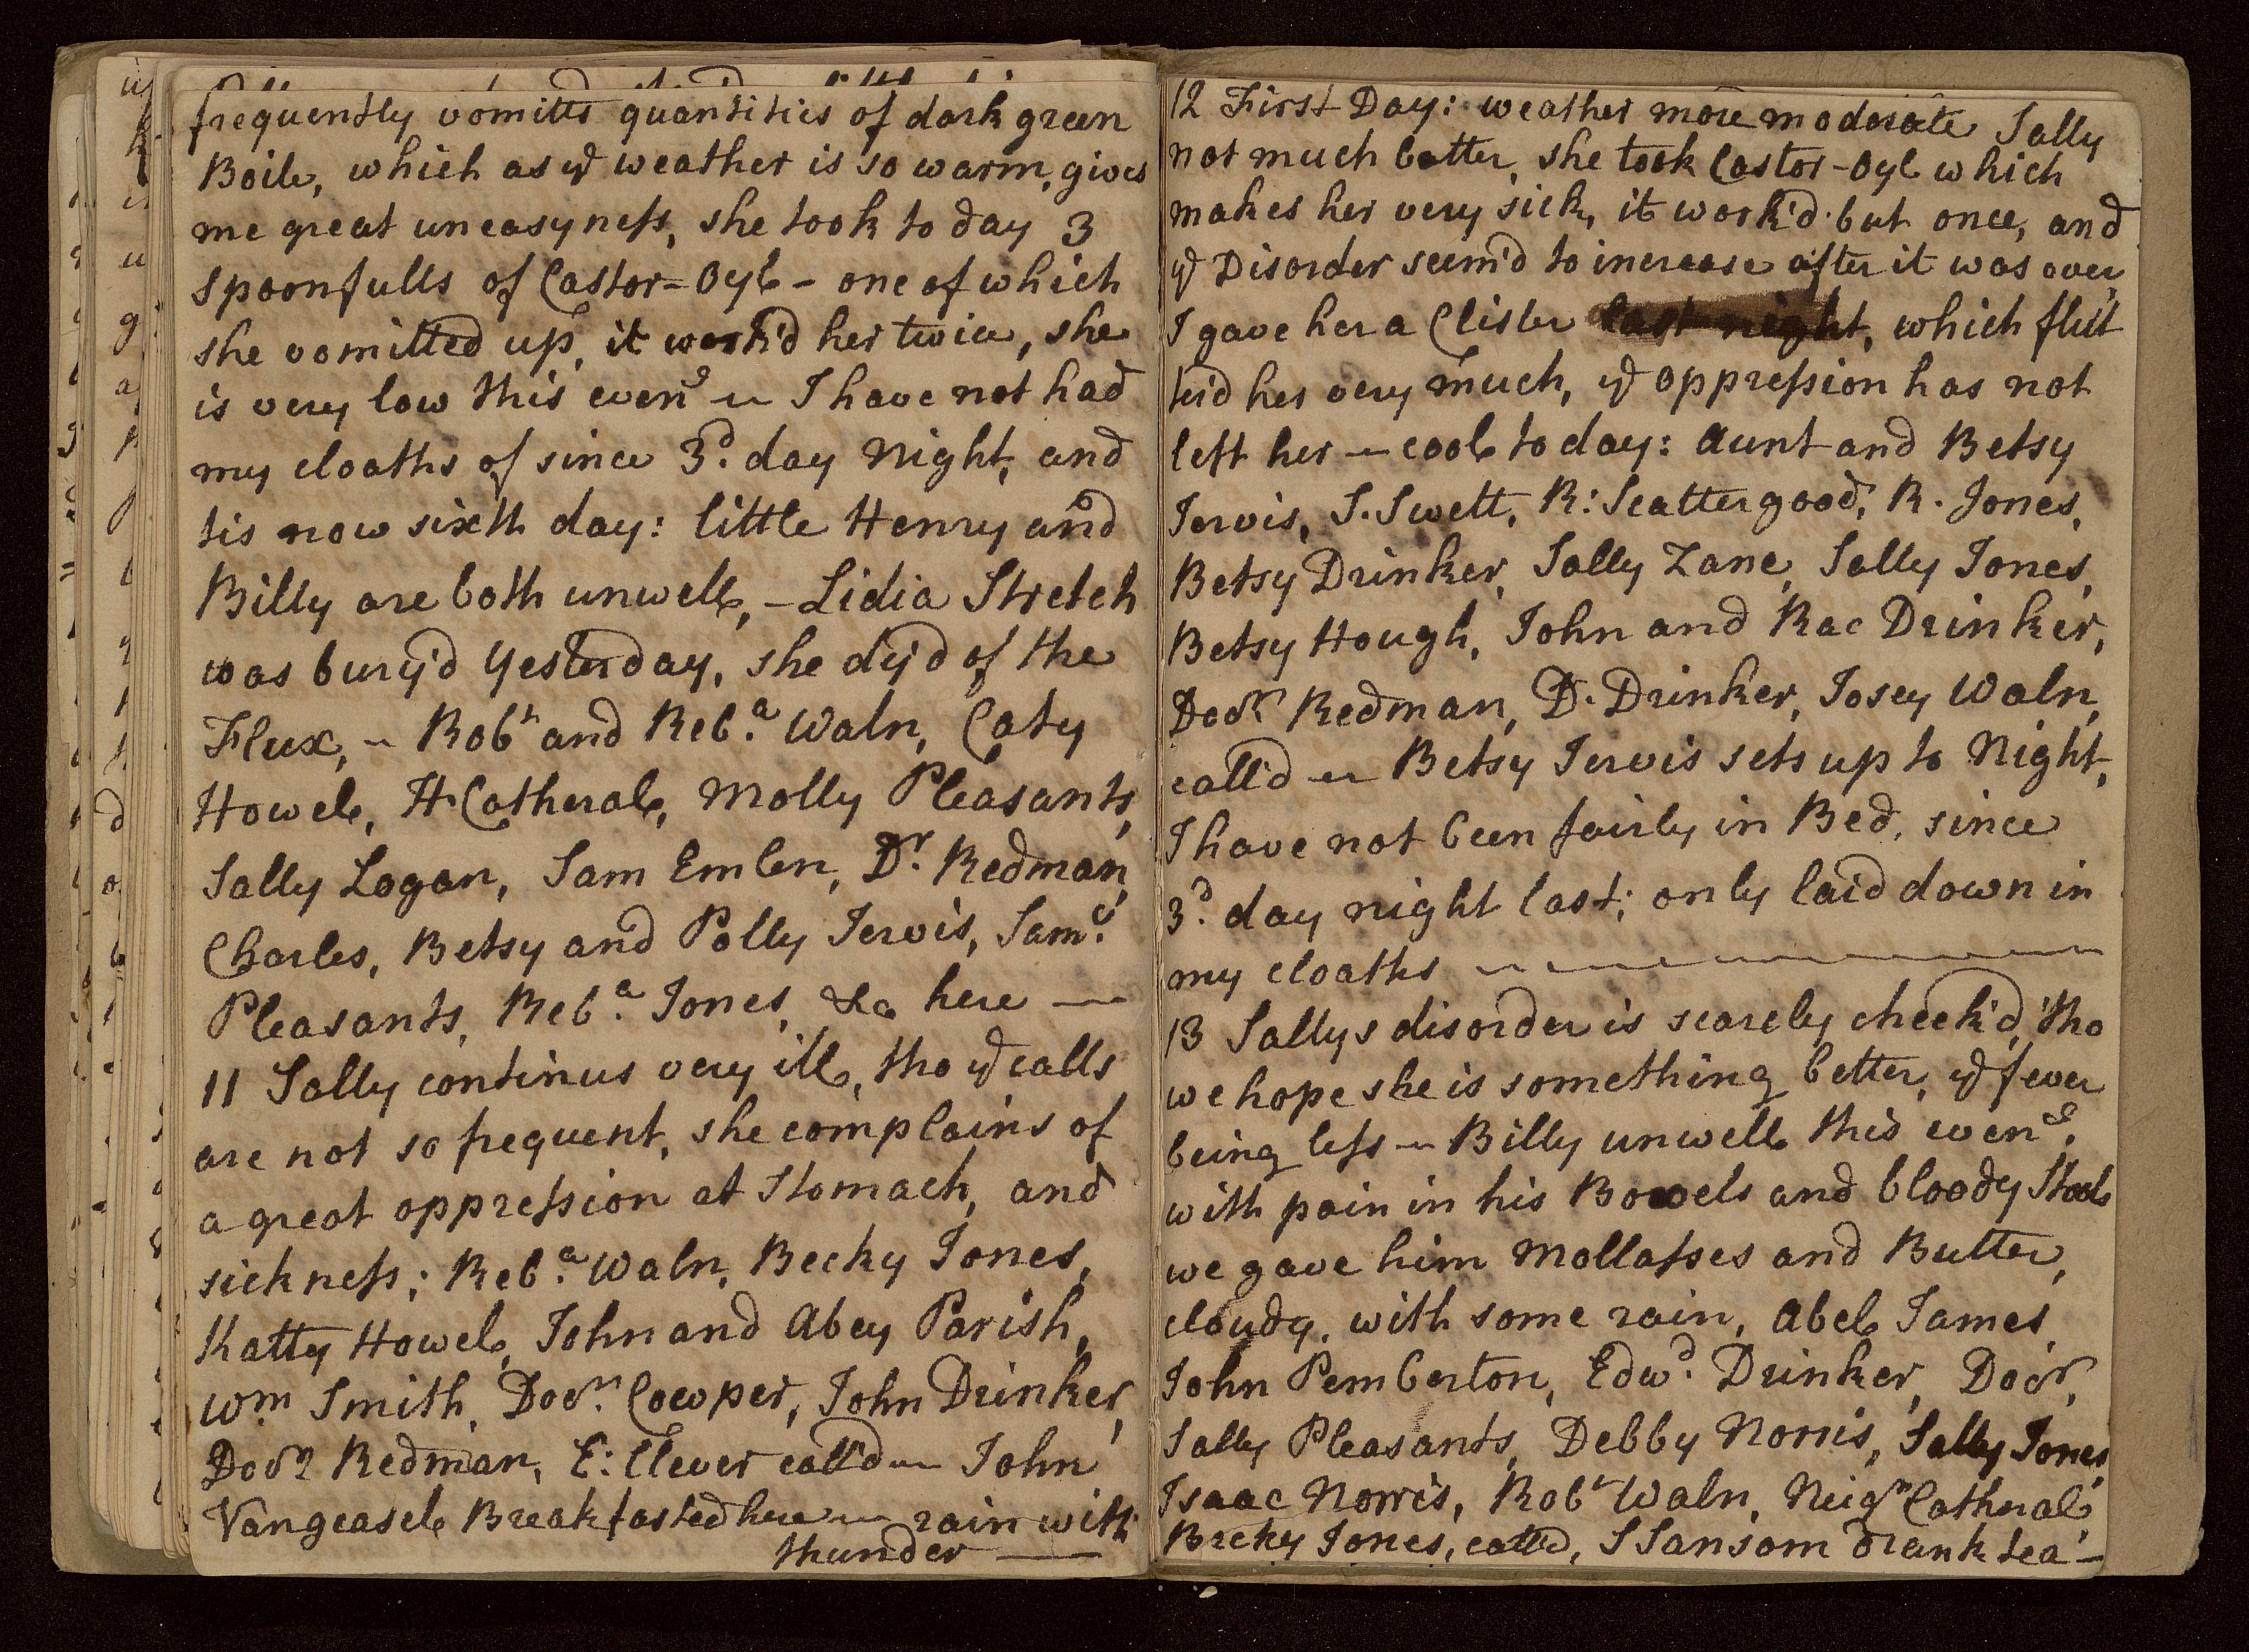frequently vomitts quantities of dark green
Boile, which as y^e weather is so warm, gives
me great uneasyness, she took to day 3
spoonfulls of Castor-oyl- one of which
she vomitted up, it work'd her twice, she
is very low this even^g- I have not had
my cloaths of since 3^d. day night, and
tis now sixth day: little Henry and
Billy are both unwell,- Lidia Stretch
was bury'd yesterday, she dy'd of the
Flux, Rob^t and Reb^a. Waln, Caty
Howel, H Catheral, Molly Pleasants,
Sally Logan, Sam Emlen, D^r. Redman
Charles, Betsy and Polly Jervis, Sam^l.
Pleasants, Reb^a. Jones, &c here-
11 Sally continus very ill, tho y^e calls
are not so frequent, she complains of
a great oppression at Stomach, and
sickness, Reb^a. Waln, Becky Jones,
Katty Howel, John and Abey Parish,
W^m. Smith, Doc^r. Cowper, John Drinker,
Doc^r. Redman, E: Clever call'd- John
Vangeasel Breakfasted here- rain with
thunder
12 First Day: weather more moderate Sally
not much batter, she took Castor-oyl which
makes her very sick, it work'd but once, and
y^e disorder seem'd to increase after it was over,
I gave her a Clister last night, which flus-
ter'd her very much, y^e oppression has not
left her- cool to day: Aunt and Betsy
Jervis, S. Swett, R: Scattergood, R. Jones
Betsy Drinker, Sally Zane, Sally Jones,
Betsy Hough, John and Rac Drinker,
Doc^r. Redman, D. Drinker, Josey Waln,
call'd- Betsy Jervis sets up to night,
I have not been fairly in Bed, since
3^d. day night last; only laid down in
my cloaths--
13 Sallys disorder is scarcly check'd ,'tho
we hope she is something better, y^e fever
being less- Billy unwell this even^g.
with pain in his Bowels and bloody Stools
we gave him Mollasses and Butter,
cloudy, with some rain, Abel James,
John Pemberton, Edw^d. Drinker Doc^r,
Sally Pleasants, Debby Norris, Sally Jones,
Isaac Norris, Rob^t Waln, Neig^r Catheral,
Becky Jones, call'd, S Sansom drank tea-